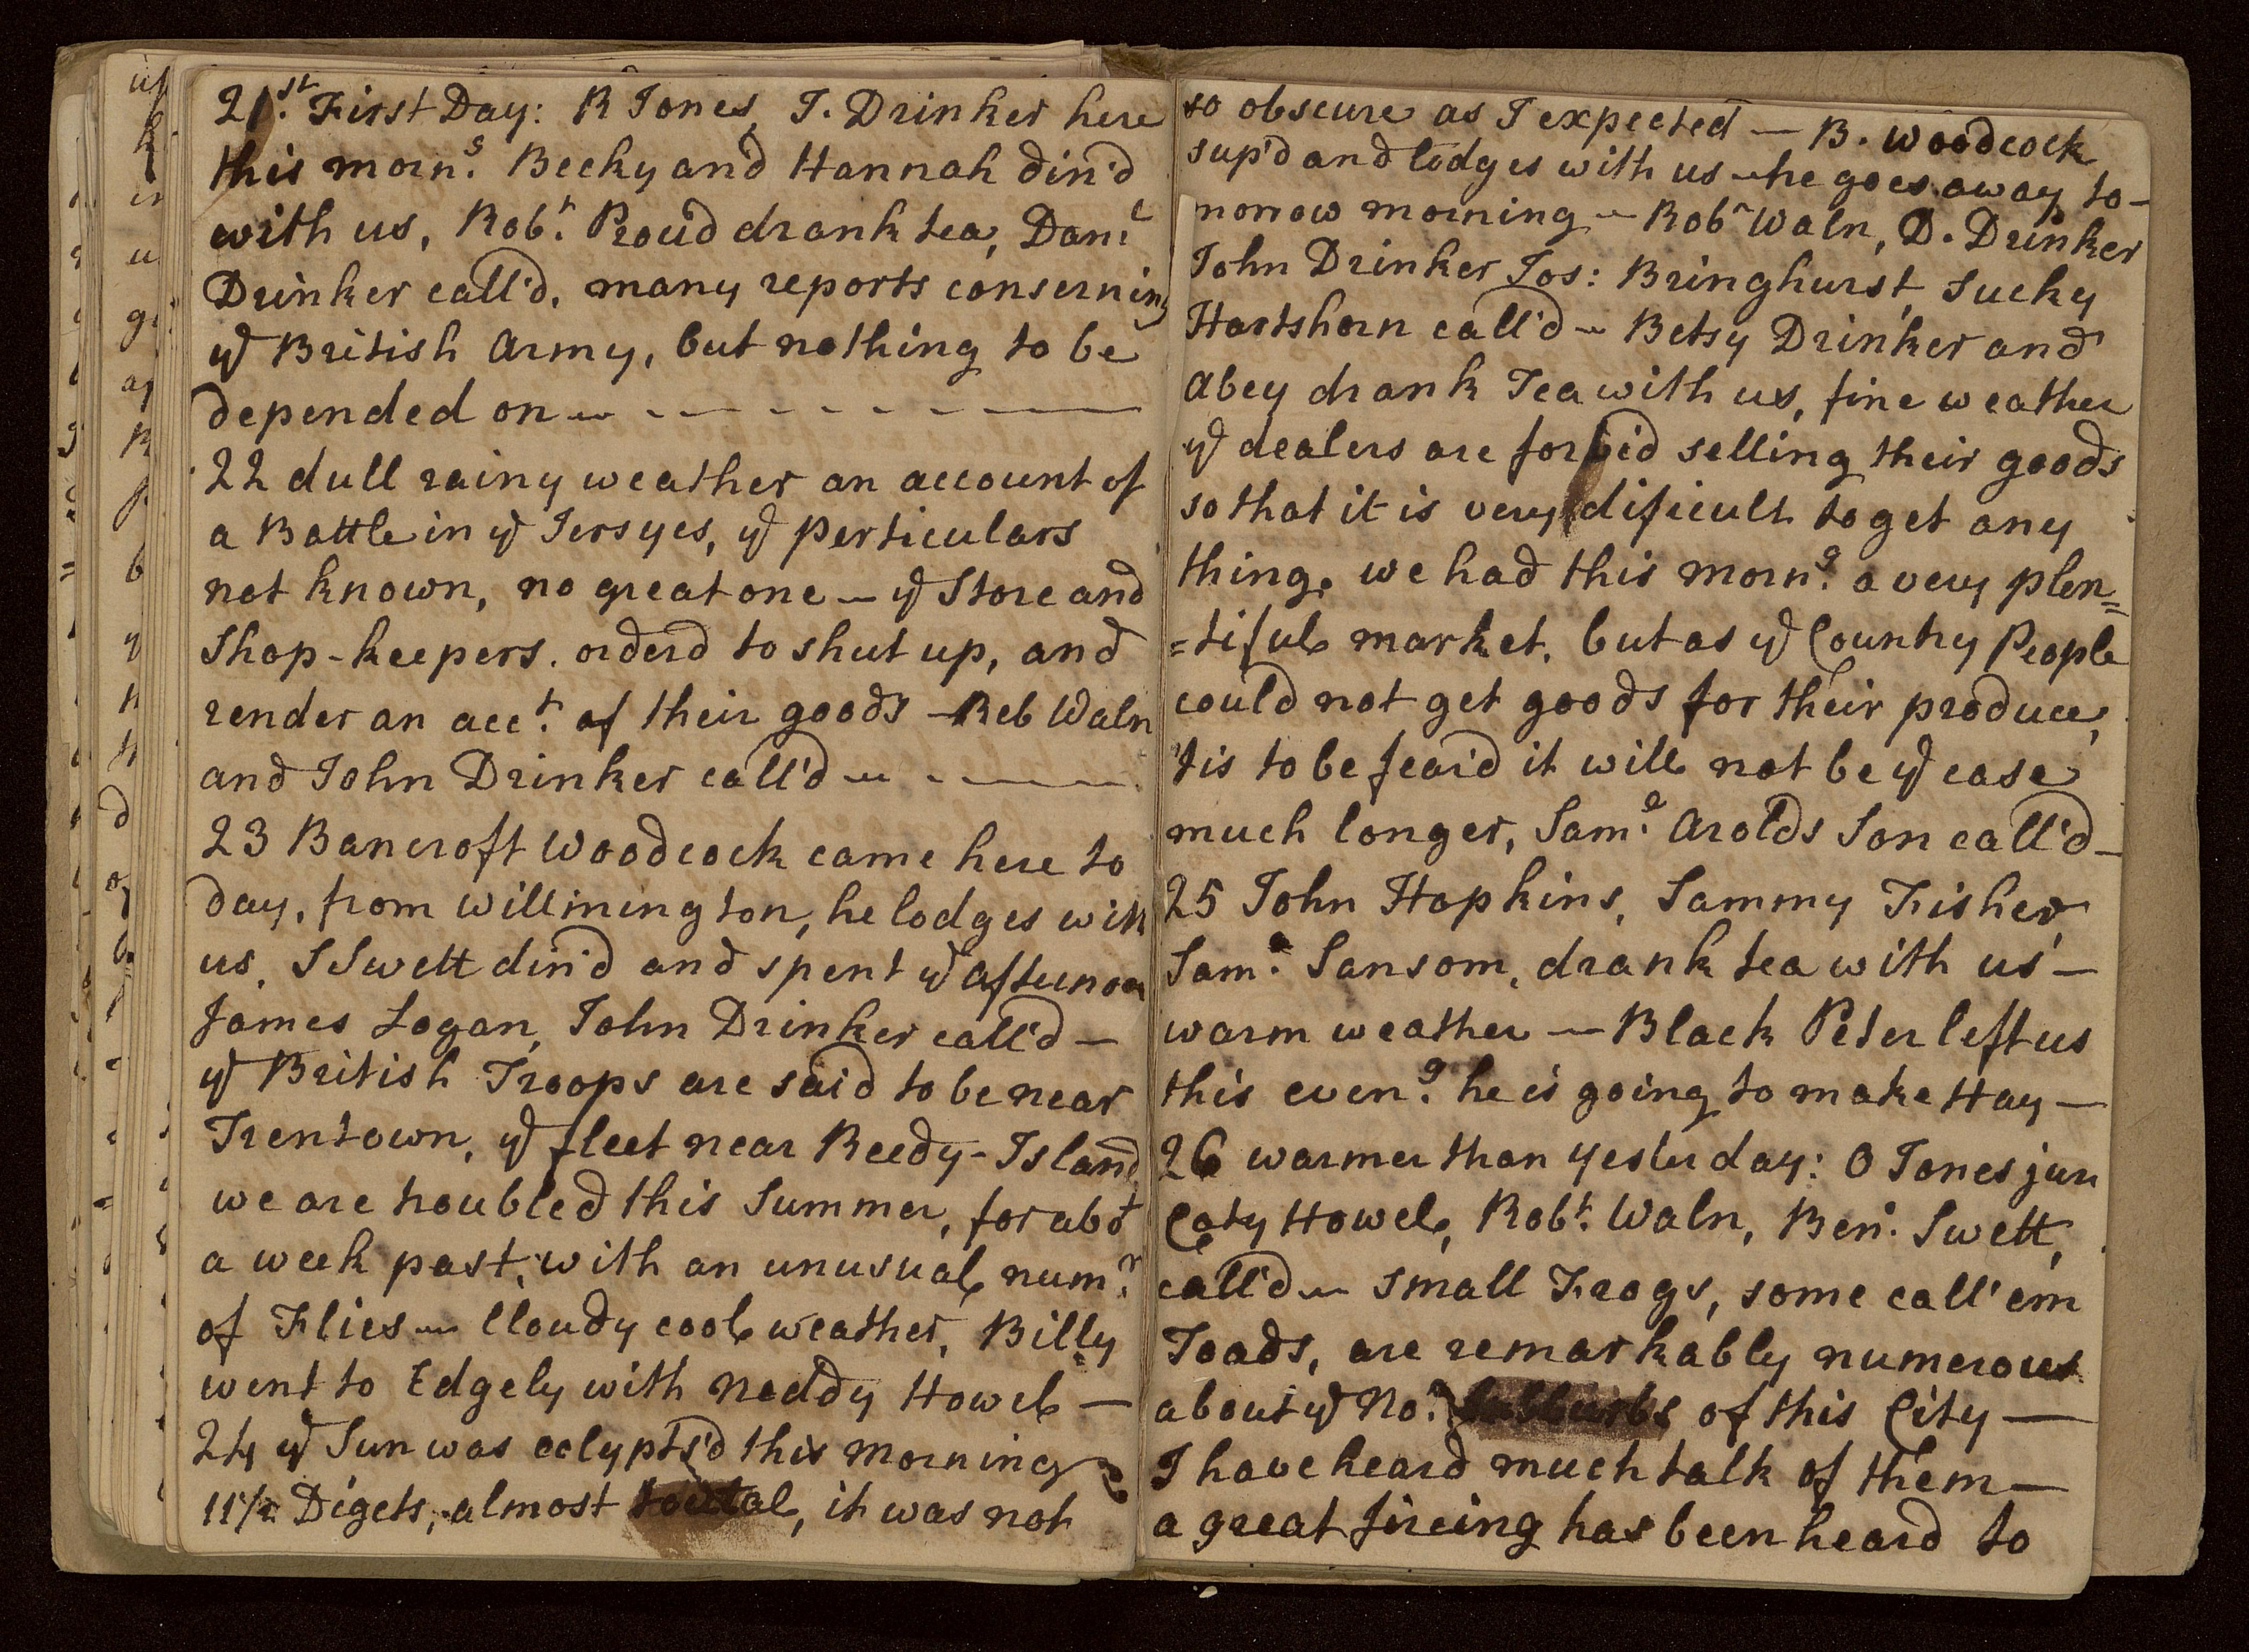21^st. First Day: R Jones, J. Drinker here
this morn^g. Becky and Hannah din'd
with us, Rob^t. Proud drank tea, Dan^l.
Drinker call'd, many reports conserning
y^e British army, but nothing to be
depended on-
22 dull rainy weather an account of
a Battle in y^e Jersyes, y^e perticulars
not known, no great one- y^e Store and
Shop- keepers. orderd to shut up, and
render an acc^t. of their goods- Reb Waln
and John Drinker call'd --
23 Bancroft Woodcock came here to
day, from Willmington, he lodges with
us. S Swett din'd and spent y^e afternoo[_]
James Logan, John Drinker call'd-
y^e British Troops are said to be near
Trentown, y^e fleet near Reedy- Island
we are troubled this Summer, for abot
a week past with an unusual num^r.
of Flies- Cloudy cool weather, Billy
went to Edgely with Neddy Howel-
24 y^e Sun was eclypts'd this Morning
11 1/2 Digets, almost toutal, it was not
so obscure as I expected- B. Woodcock,
sup'd and lodges with us- he goes away to-
morrow morning- Rob^r Waln, D. Drinker
John Drinker Jos: Bringhurst, Sucky
Hartshorn call'd- Betsy Drinker and
Abey drank Tea with us, fine weather
y^e dealers are forbid selling their goods
so that it is very dificult to get any
thing. we had this morn^g. a very plen-
-tiful market, but as y^e Country People
could not get goods for their produce,
'tis to be fear'd it will not be y^e case
much longer, Sam^I. Arolds Son call'd -
25 John Hopkins, Sammy Fisher,
Sam^l. Sansom, drank tea with us-
warm weather- Black Peter left us
this even^g. he is going to make Hay-
26 warmer than yesterday: O Jones jun
Caty Howel, Rob^t. Waln, Ben^a. Swett,
call'd- small Frogs, some call 'em
Toads, are remarkably numerous
about y^e No. Subburbs of this City-
I have heard much talk of them-
a great fireing has been heard to